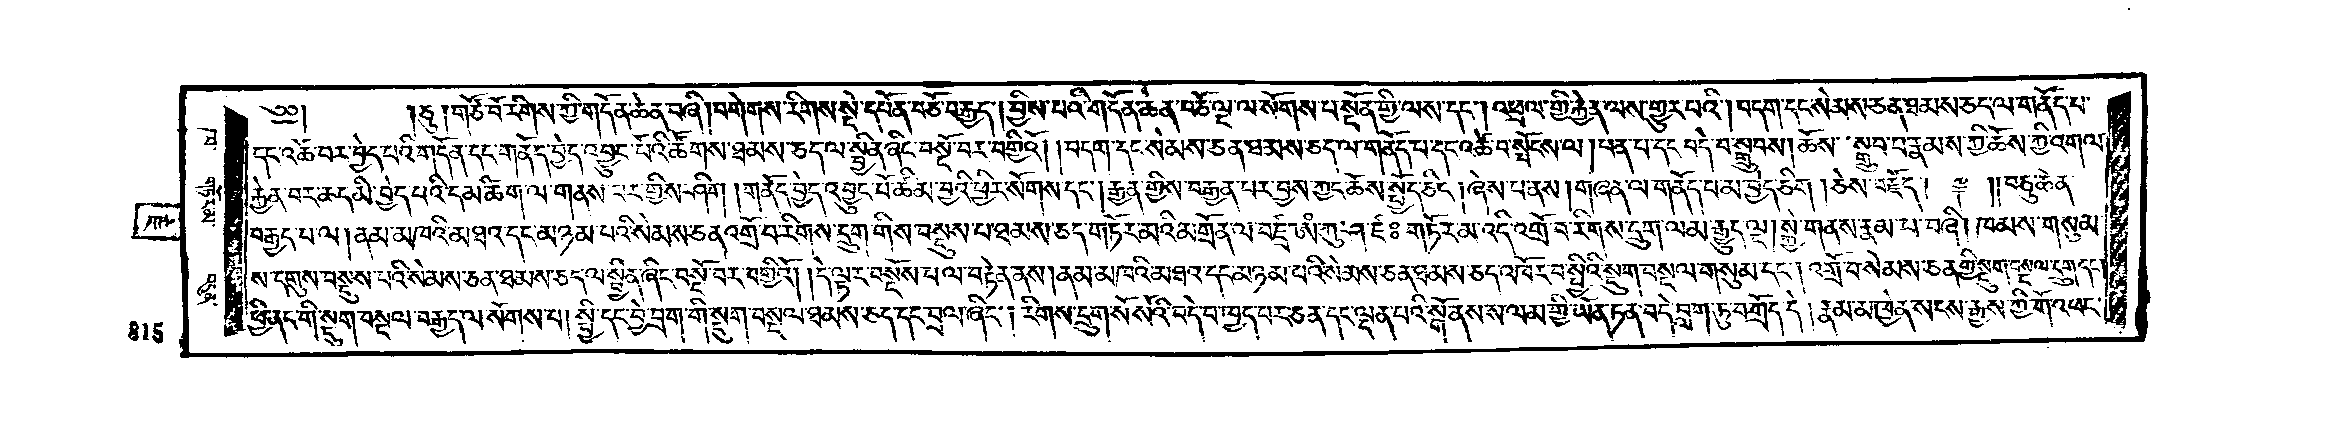༄༅། །ཅུ། གཙོ་བོ་རིགས་ཀྱི་གདོན་ཆེན་བཞི། བགེགས་རིགས་སྡེ་དཔོན་བཅོ་བརྒྱད། བྱིས་པའི་གདོན་ཆེན་བཅོ་ལྔ་ལ་སོགས་པ་སྔོན་གྱི་ལས་དང་། འཕྲལ་གྱི་རྐྱེན་ལས་གྱུར་པའི། བདག་དང་སེམས་ཅན་ཐམས་ཅད་ལ་གནོད་པ་
དང་འཚེ་བར་བྱེད་པའི་གདོན་དང་གནོད་བྱེད་འབྱུང་པོའི་ཚོགས་ཐམས་ཅད་ལ་སྦྱིན་ཞིང་བསྔོ་བར་བགྱིའོ། །བདག་དང་སེམས་ཅན་ཐམས་ཅད་ལ་གནོད་པ་དང་འཚེ་བ་སྤོངས་ལ། ཕན་པ་དང་བདེ་བ་སྒྲུབས། ཆོས་སྒྲུབ་པ་རྣམས་ཀྱི་ཆོས་ཀྱི་འགལ་
རྐྱེན་བར་ཆད་མི་བྱེད་པའི་དམ་ཚིག་ལ་གནས་པར་གྱིས་ཤིག །གནོད་བྱེད་འབྱུང་པོ་ཚིམ་བྱའི་ཕྱིར་སོགས་དང་། རྒྱན་གྱིས་བརྒྱན་པར་བྱས་ཀྱང་ཆོས་སྤྱོད་ཅིང་། ཞེས་པ་ནས། གཞན་ལ་གནོད་པ་མ་བྱེད་ཅིག །ཅེས་བརྗོད། ༈ །།བཅུ་ཚན་
བརྒྱད་པ་ལ། ནམ་མཁའི་མཐའ་དང་མཉམ་པའི་སེམས་ཅན་འགྲོ་བ་རིགས་དྲུག་གིས་བསྡུས་པ་ཐམས་ཅད་གཏོར་མའི་མགྲོན་ལ་བཛྲ་ཨཾ་ཀུ་ཤ་ཛཿ གཏོར་མ་འདི་འགྲོ་བ་རིགས་དྲུག་ལམ་རྒྱུད་ལྔ། སྐྱེ་གནས་རྣམ་པ་བཞི། ཁམས་གསུམ་
ས་དགུས་བསྡུས་པའི་སེམས་ཅན་ཐམས་ཅད་ལ་སྦྱིན་ཞིང་བསྔོ་བར་བགྱིའོ། །དེ་ལྟར་བསྔོས་པ་ལ་བརྟེན་ནས། ནམ་མཁའི་མཐའ་དང་མཉམ་པའི་སེམས་ཅན་ཐམས་ཅད་འཁོར་བ་སྤྱིའི་སྡུག་བསྔལ་གསུམ་དང་། འགྲོ་བ་སེམས་ཅན་གྱི་སྡུག་བསྔལ་དྲུག་དང་།
ཕྱི་ནང་གི་སྡུག་བསྔལ་བརྒྱད་ལ་སོགས་པ། སྤྱི་དང་བྱེ་བྲག་གི་སྡུག་བསྔལ་ཐམས་ཅད་དང་བྲལ་ཞིང་། རིགས་དྲུག་སོ་སོའི་བདེ་བ་ཁྱད་པར་ཅན་དང་ལྡན་པའི་སྒོ་ནས་ས་ལམ་གྱི་ཡོན་ཏན་བདེ་བླག་ཏུ་བགྲོད་དེ། རྣམ་མཁྱེན་སངས་རྒྱས་ཀྱི་གོ་འཕང་